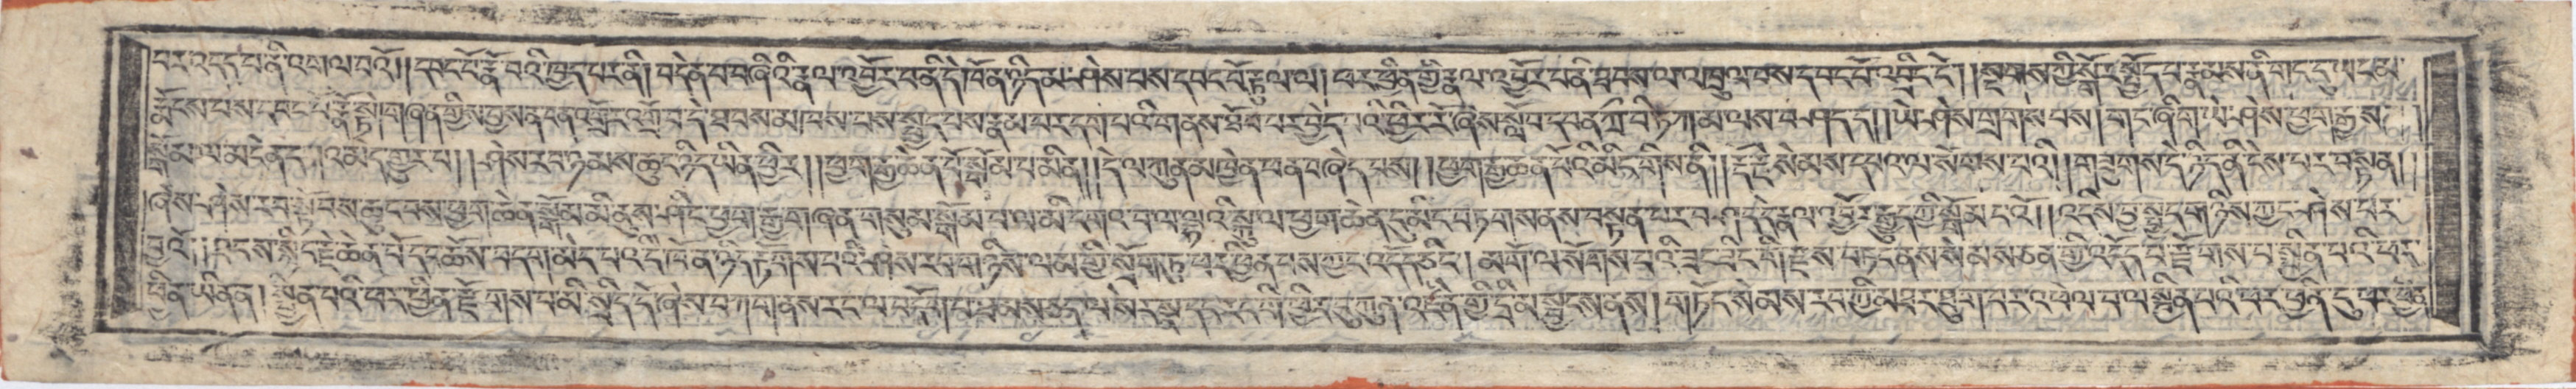པར་འདོད་པ་ནི་འགལ་བའོ། །དབང་པོ་རྣོ་བའི་ཁྱད་པར་ནི། བདེན་པ་བཞིའི་རྣལ་འབྱོར་པ་ནི་དེ་ཁོ་ན་ཉིད་མ་ཤེས་པས་དབང་པོ་རྟུལ་ལ། ཕར་ཕྱིན་གྱི་རྣལ་འབྱོར་པ་ནི་ཐབས་ལ་འཁྲུལ་བས་དབང་པོ་འབྲིང་ངོ། །སྔགས་ཀྱི་སྒོར་སྤྱོད་པ་རྣམས་ནི་གང་དུ་ཡང་མ་
རྨོངས་པས་དབང་པོ་རྣོ་སྟེ། གཞན་གྱིས་བྱས་ན་ངན་འགྲོར་འགྲོ་བ་དེ་ཐབས་མཁས་པས་སྤྱད་པས་རྣམ་པར་དག་པའི་གནས་ཐོབ་པར་བྱེད་པའི་ཕྱིར་རོ་ཞེས་སློབ་དཔོན་ཀྲྀ་པི་ཏ་ཀ་མ་ལས་བཤད་དེ། །ཡེ་ཤེས་གྲགས་པས། གང་ཞིག་ཡེ་ཤེས་ཕྱག་རྒྱ་སོགས། །
སྒོམ་ལ་མངོན་དགའ་མེད་གྱུར་པ། །ཤེས་རབ་ཉམས་ཆུང་ཉིད་ཡིན་ཕྱིར། །ཕྱག་རྒྱ་ཆེན་པོ་སྒོམ་པ་མིན། །དེ་ལ་ཀུན་མཁྱེན་ཕན་བཞེད་པས། །ཕྱག་རྒྱ་ཆེན་པོའི་མིང་གིས་ནི། །རྡོ་རྗེ་སེམས་དཔའ་ལ་སོགས་པའི། །གཟུགས་དེ་ཉིད་ནི་ངེས་པར་བསྟན། །
ཞེས་ཤེས་རབ་སྟོབས་ཆུང་བས་ཕྱག་ཆེན་སྒོམ་མི་ནུས་ཤིང་ཕྱག་རྒྱ་གཞན་གསུམ་སྒོམ་པ་ལ་མི་དགའ་བ་ལ་ལྷའི་སྐུ་ལ་ཕྱག་ཆེན་དུ་མིང་བཏགས་ནས་བསྟན་པར་བཤད་དེ་རྣལ་འབྱོར་རྒྱུད་ཀྱི་སྒོམ་པའོ། །འདིས་བྱ་སྤྱད་གཉིས་ཀྱང་ཤེས་པར་
བྱའོ། །ཐབས་སྙིང་རྗེ་ཆེན་པོ་དང་ཆོས་བདག་མེད་པའི་དེ་ཁོ་ན་ཉིད་རྟོགས་པའི་ཤེས་རབ་གཉིས་ལམ་གྱི་སྲོག་ཏུ་ཕར་ཕྱིན་པས་ཀྱང་འདོད་ཅིང་། མགོ་ལ་སོགས་པའི་ཟང་ཟིང་གི་རྫས་བཏང་ནས་སེམས་ཅན་གྱི་འདོད་པ་རྫོགས་པ་སྦྱིན་པའི་ཕར་
ཕྱིན་ཡིན་ན། སྦྱིན་པའི་ཕར་ཕྱིན་རྫོགས་པ་མི་སྲིད་དོ་ཞེས་བཀག་ནས་རང་ལ་བདོག་པ་ཐམས་ཅད་ལ་སེར་སྣ་དང་རང་གི་ཕྱིར་དུ་ཀུན་འཛིན་གྱི་དྲི་མ་སྦྱངས་ནས། གཏོང་སེམས་རབ་ཀྱི་མཐར་ཐུག་པར་འཕེལ་བ་ལ་སྦྱིན་པའི་ཕར་ཕྱིན་དུ་ཕར་ཕྱིན་